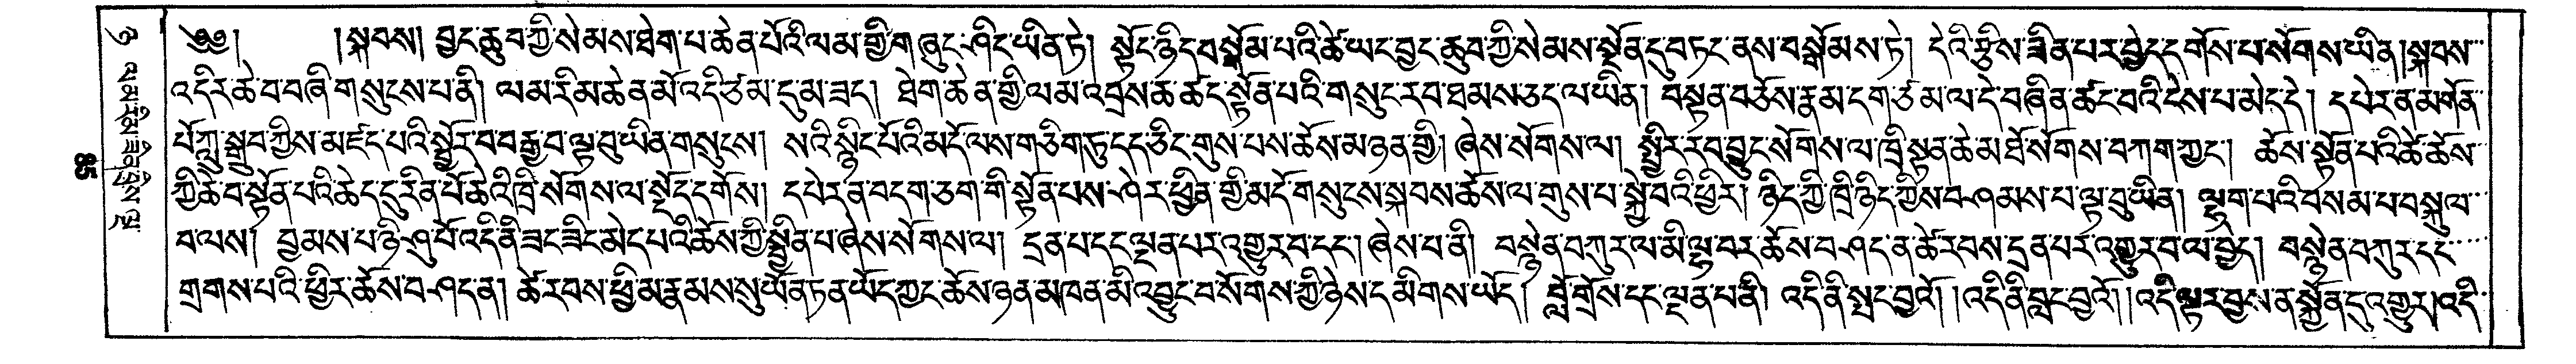༄༅། །སྐབས། བྱང་ཆུབ་ཀྱི་སེམས་ཐེག་པ་ཆེན་པོའི་ལམ་གྱི་གཞུང་ཤིང་ཡིན་ཏེ། སྟོང་ཉིད་བསྒོམ་པའི་ཚེ་ཡང་བྱང་ཆུབ་ཀྱི་སེམས་སྔོན་དུ་བཏང་ནས་བསྒོམས་ཏེ། དེའི་རྩིས་ཟིན་པར་བྱེད་དགོས་པ་སོགས་ཡིན། སྐབས་
འདིར་ཆེ་བ་བཞི་གསུངས་པ་ནི། ལམ་རིམ་ཆེན་མོ་འདི་ཙམ་དུ་མ་ཟད། ཐེག་ཆེན་གྱི་ལམ་འབྲས་ཆ་ཚང་སྟོན་པའི་གསུང་རབ་ཐམས་ཅད་ལ་ཡིན། བསྟན་བཅོས་རྣམ་དག་ཙམ་ལ་དེ་བཞིན་ཚང་བའི་ངེས་པ་མེད་དེ། དཔེར་ན་མགོན་
པོ་ཀླུ་སྒྲུབ་ཀྱིས་མཛད་པའི་སྦྱོར་བ་བརྒྱ་པ་ལྟ་བུ་ཡིན་གསུངས། སའི་སྙིང་པོའི་མདོ་ལས་གཅིག་ཏུ་དད་ཅིང་གུས་པས་ཆོས་མཉན་གྱི། ཞེས་སོགས་ལ། སྤྱིར་རབ་བྱུང་སོགས་ལ་ཁྲི་སྟན་ཆེ་མཐོ་སོགས་བཀག་ཀྱང་། ཆོས་སྟོན་པའི་ཚེ་ཆོས་
ཀྱི་ཆེ་བ་སྟོན་པའི་ཆེད་དུ་རིན་པོ་ཆེའི་ཁྲི་སོགས་ལ་སྡོད་དགོས། དཔེར་ན་བདག་ཅག་གི་སྟོན་པས་ཤེར་ཕྱིན་གྱི་མདོ་གསུངས་སྐབས་ཆོས་ལ་གུས་པ་སྐྱེ་བའི་ཕྱིར། ཉིད་ཀྱི་ཁྲི་ཉིད་ཀྱིས་བཤམས་པ་ལྟ་བུ་ཡིན། ལྷག་པའི་བསམ་པ་བསྐུལ་
བ་ལས། བྱམས་པ་ཉི་ཤུ་པོ་འདི་ནི་ཟང་ཟིང་མེད་པའི་ཆོས་ཀྱི་སྦྱིན་པ་ཞེས་སོགས་ལ། དྲན་པ་དང་ལྡན་པར་འགྱུར་བ་དང་། ཞེས་པ་ནི། བསྙེན་བཀུར་ལ་མི་ལྟ་བར་ཆོས་བཤད་ན་ཚེ་རབས་དྲན་པར་འགྱུར་བ་ལ་བྱེད། བསྙེན་བཀུར་དང་
གྲགས་པའི་ཕྱིར་ཆོས་བཤད་ན། ཚེ་རབས་ཕྱི་མ་རྣམས་སུ་ཡོན་ཏན་ཡོད་ཀྱང་ཆོས་ཉན་མཁན་མི་འབྱུང་བ་སོགས་ཀྱི་ཉེས་དམིགས་ཡོད། བློ་གྲོས་དང་ལྡན་པ་ནི། འདི་ནི་སྤང་བྱའོ། །འདི་ནི་བླང་བྱའོ། །འདི་ལྟར་བྱས་ན་སྐྱོན་དུ་འགྱུར། འདི་